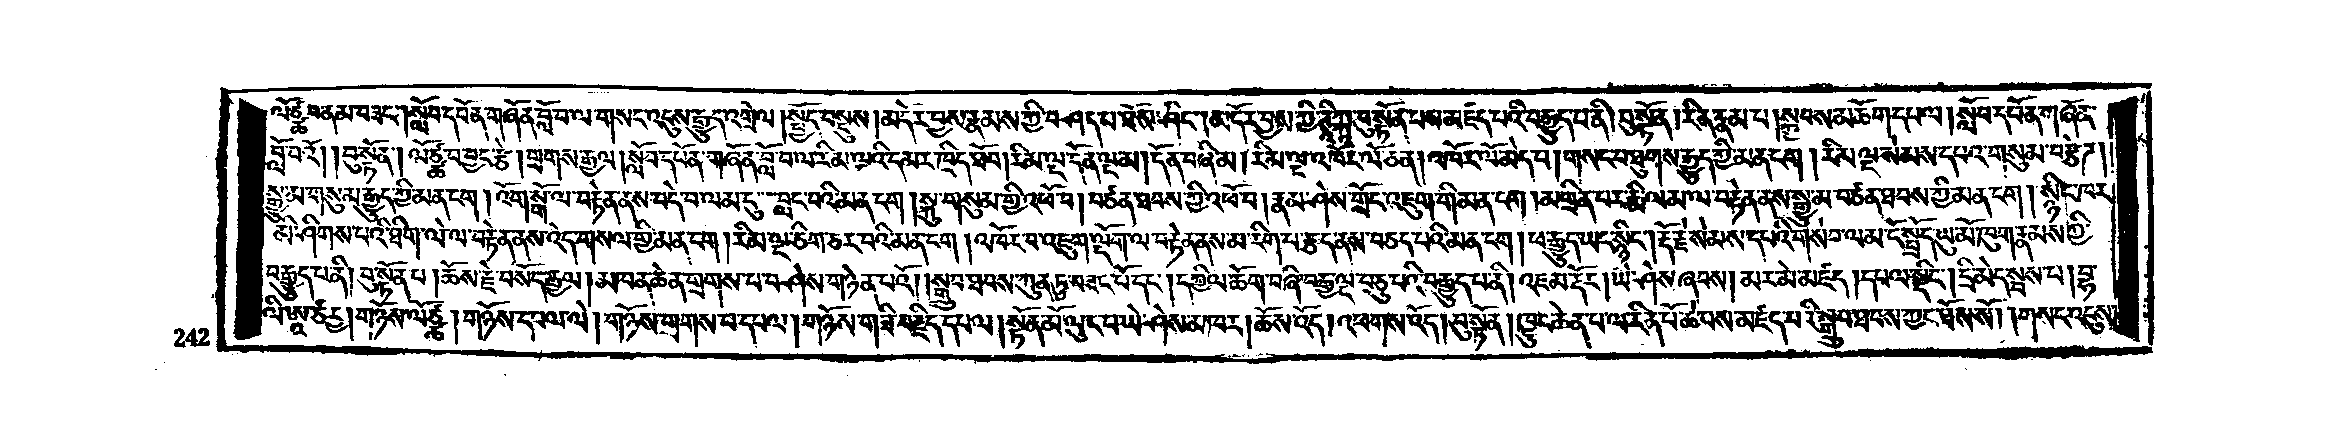ལོཙྪ་བ་ནམ་བཟང་། སློབ་དཔོན་གཞོན་བློ་བ་ལ་གསང་འདུས་རྒྱུད་འགྲེལ། སྤྱོད་བསྡུས། མདོར་བྱས་རྣམས་ཀྱི་བཤད་པ་ཐོས་ཤིང་། མདོར་བྱས་ཀྱི་ཊཱིཀྐཱ་བུ་སྟོན་པས་མཛད་པའི་བརྒྱུད་པ་ནི། བུ་སྟོན། རིན་རྣམ་པ། སྐྱབས་མཆོག་དཔལ། སློབ་དཔོན་གཞོན་
བློ་བའོ། །བུ་སྟོན། ལོཙྪ་བ་བྱང་རྩེ། གྲགས་རྒྱལ། སློབ་དཔོན་གཞོན་བློ་བ་ལ་རིམ་ལྔའི་དམར་ཁྲིད་ཐོབ། རིམ་ལྔ་དོན་ལྔ་མ། དོན་བཞི་མ། རིམ་ལྔ་འཁོར་ལོ་ཅན། འཁོར་ལོ་མེད་པ། གསང་བ་ཐུགས་རྒྱུད་ཀྱི་མན་ངག །རིམ་ལྔ་སེམས་དཔའ་གསུམ་བརྩེགས།
སྒྱུ་མ་གསུམ་རྒྱུད་ཀྱི་མན་ངག །འོག་སྒོ་ལ་བརྟེན་ནས་བདེ་བ་ལམ་དུ་བླང་བའི་མན་ངག །སྐུ་གསུམ་གྱི་འཕོ་བ། བཙན་ཐབས་ཀྱི་འཕོ་བ། རྣམ་ཤེས་གྲོང་འཇུག་གི་མན་ངག །མགྲིན་པར་རྨི་ལམ་ལ་བརྟེན་ནས་སྒྱུ་མ་བཙན་ཐབས་ཀྱི་མན་ངག །སྙིང་ཁར་
མི་ཤིགས་པའི་ཐིག་ལེ་ལ་བརྟེན་ནས་འདེ་གསལ་གྱི་མན་ངག །རིམ་ལྔ་ཅིག་ཅར་བའི་མན་ངག །འཁོར་བ་འཇུག་ལྡོག་ལ་བརྟེན་ནས་མ་རིག་པ་རྩ་ནས་བཅད་པའི་མན་ངག །ཕ་རྒྱུད་ཡང་སྙིང་། རྡོ་རྗེ་སེམས་དཔའི་གསེབ་ལམ་ངོ་སྤྲོད་ཡུམ་མོ་ཁུག་རྣམས་ཀྱི་
བརྒྱུད་པ་ནི། བུ་སྟོན་པ། ཆོས་རྗེ་བསོད་རྒྱལ། མཁན་ཆེན་གྲགས་པ་བཤེས་གཉེན་པའོ། །སྒྲུབ་ཐབས་ཀུན་ཏུ་བཟང་པོ་དང་། དཀྱིལ་ཆོག་བཞི་བརྒྱ་ལྔ་བཅུ་པའི་བརྒྱུད་པ་ནི། འཇམ་རྡོར། ཡེ་ཤེས་ཞབས། མར་མེ་མཛད། དཔལ་སྡིང་། དྲི་མེད་སྦས་པ། བྷ་
ལི་ཨཱ་ཙརྱ། གཉོས་ལོཙྪ། གཉོས་དཔལ་ལེ། གཉོས་གྲགས་པ་པས། གཉོས་གཟི་བརྗིད་དཔལ། སྟོན་མོ་ལུང་པ་ཡེ་ཤེས་མཁར། ཆོས་འོད། འཕགས་འོད། བུ་སྟོན། ཁྱུང་ཆེན་པ་ལ་རིན་པོ་ཆེ་བས་མཛད་པའི་སྒྲུབ་ཐབས་ཀྱང་ཐོས་སོ། །གསང་འདུས་